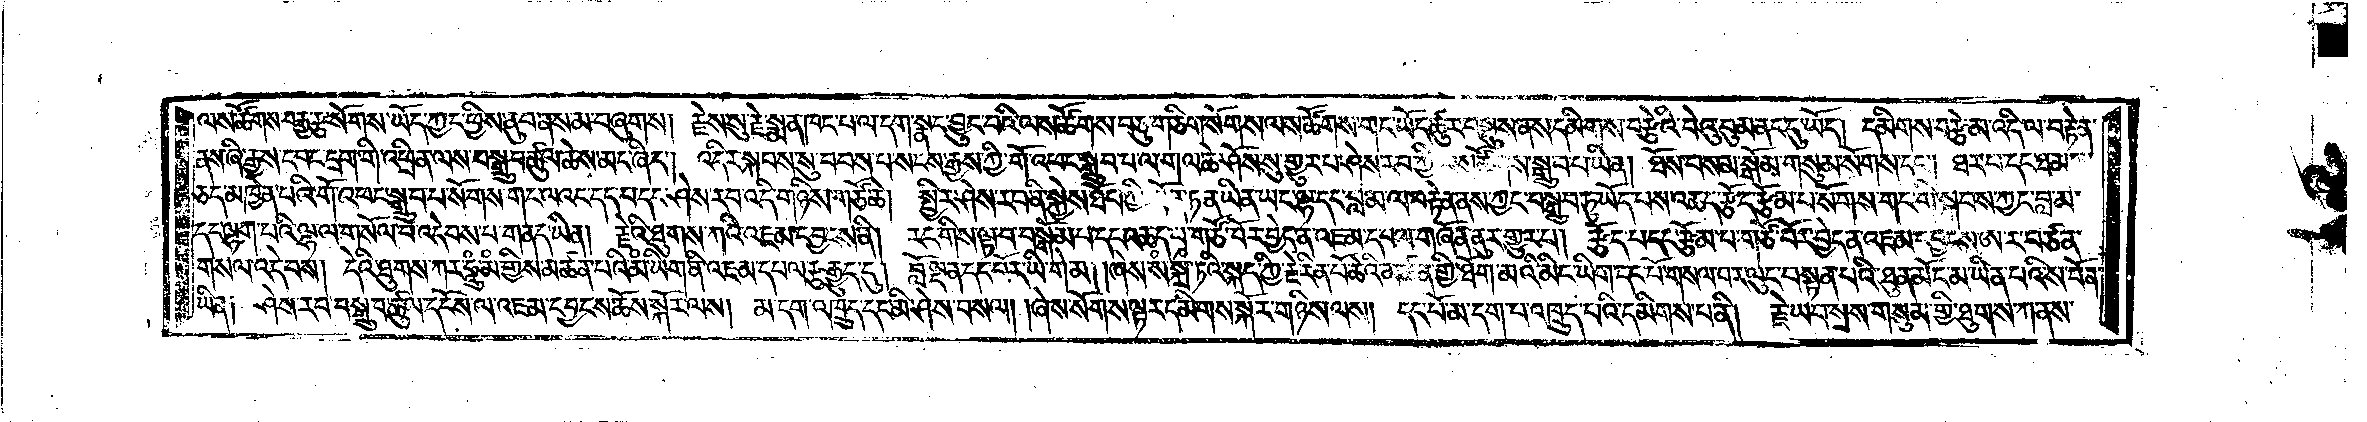ལས་ཚོགས་བརྒྱ་རྩ་སོགས་ཡོད་ཀྱང་ཕྱིས་ནུབ་ནས་མ་བཞུགས། རྗེས་སུ་རྗེ་སྨན་ཁང་པ་ལ་དག་སྣང་བྱུང་བའི་ལས་ཚོགས་བཅུ་གཅིག་སོགས་ལས་ཚོགས་གང་ཡོད་ཚུར་བསྡུས་ནས་དམིགས་བརྩེའི་བེའུ་བུམ་ནང་དུ་ཡོད། དམིགས་བརྩེ་མ་འདི་ལ་བརྟེན་
ནས་ཞི་རྒྱས་དབང་དྲག་གི་འཕྲིན་ལས་བསྒྲུབ་ཚུལ་ཆེས་མང་ཞིང་། འདིར་སྐབས་སུ་བབས་པ་སངས་རྒྱས་ཀྱི་གོ་འཕང་སྒྲུབ་པ་ལ་གལ་ཆེ་ཤོས་སུ་གྱུར་པ་ཤེས་རབ་ཀྱི་ལས་ཚོགས་སྒྲུབ་པ་ཡིན། ཐོས་བསམ་སྒོམ་གསུམ་སོགས་དང་། ཐར་པ་དང་ཐམས་
ཅད་མཁྱེན་པའི་གོ་འཕང་སྒྲུབ་པ་སོགས་གང་ལའང་དད་པ་དང་ཤེས་རབ་འདི་གཉིས་གཙོ་ཆེ། སྤྱིར་ཤེས་རབ་ནི་སྐྱེས་ཐོབ་ཀྱི་ཡོན་ཏན་ཡིན་ཡང་ལྷ་དང་བླ་མ་ལ་བརྟེན་ནས་ཀྱང་བསྒྲུབ་ཏུ་ཡོད་པས་འཆད་རྩོད་རྩོམ་པ་སོགས་གང་གི་སྐབས་ཀྱང་བླ་མ་
དང་ལྷག་པའི་ལྷ་ལ་གསོལ་བ་འདེབས་པ་གནད་ཡིན། རྗེའི་ཐུགས་ཀའི་འཇམ་དབྱངས་ནི། རང་གིས་ལྟ་བ་བསྒོམ་པ་དང་འཆད་པ་གཙོ་བོར་བྱེད་ན་འཇམ་དཔལ་གཞོན་ནུར་གྱུར་པ། རྩོད་པ་དང་རྩོམ་པ་གཙོ་བོར་བྱེད་ན་འཇམ་དབྱངས་ཨར་ར་པ་ཙ་ན་
གསལ་འདེབས། དེའི་ཐུགས་ཀར་ཧཱུཾ་མཾ་གྱིས་མཚན་པའི་མཾ་ཡིག་ནི་འཇམ་དཔལ་རྩ་རྒྱུད་དུ། བློ་ལྡན་དང་པོར་ཡི་གེ་མ། །ཞེས་སཾ་སྐྲྀ་ཏའི་སྐད་ཀྱི་རྗེ་རིན་པོ་ཆེའི་མཚན་གྱི་ཐོག་མའི་མིང་ཡིག་དང་པོ་གསལ་བར་ལུང་བསྟན་པའི་ཐུན་མོང་མ་ཡིན་པའི་ས་བོན་
ཡིན༑ ཤེས་རབ་བསྒྲུབ་ཚུལ་དངོས་ལ་འཇམ་དབྱངས་ཆོས་སྐོར་ལས། མ་དག་འཁྲུད་དང་མི་ཤེས་བསལ། །ཞེས་སོགས་ལྟར་དམིགས་སྐོར་གཉིས་ལས། དང་པོ་མ་དག་པ་འཁྲུད་པའི་དམིགས་པ་ནི། རྗེ་ཡབ་སྲས་གསུམ་གྱི་ཐུགས་ཀ་ནས་